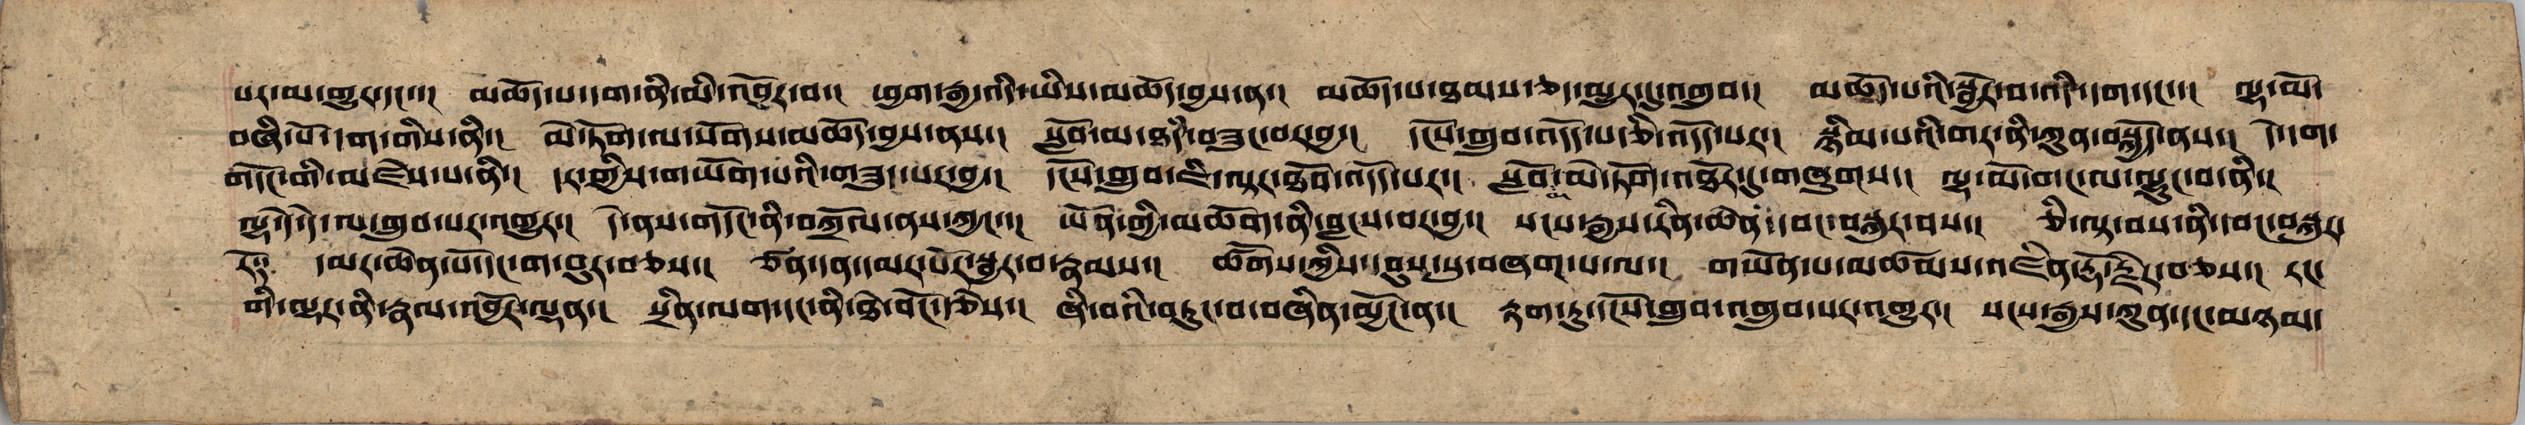པར་མ་གྱུར་དང་་། མཆོད་པ་དག་ནི་མི་འབྱོར་བ་། ཕྱག་རྒྱ་འདི་ཡིས་མཆོད་བྱས་ན་། མཆོད་པ་ཐམས་ཅད་མྱུར་དུ་འགྲུབ་། མཆོད་པའི་སྦྱོར་བ་འདི་དག་དང་་། ལྷ་མོ་
བཞི་པོ་དག་གིས་ནི་། མེ་ཏོག་ལ་སོགས་མཆོད་བྱས་ནས་། སློབ་མ་ཐཾད་བཟུང་བར་བྱ་། དངོས་གྲུབ་འདོད་པ་ཅི་འདོད་པར་། སྙིམ་པའི་གར་ནི་ཀུན་བསྐྱོད་ནས་། དེ་དག་
གདོང་གི་མཛེས་པ་ནི་། དར་གྱིས་གཡོག་པའི་གཟུང་པར་བྱ་། དངོས་གྲུབ་ཇི་ལྟར་ཐོབ་འདོད་པར་། སློབ་མ་མེ་ཏོག་འཐོར་དུ་གཞུགས་། ལྷ་མོ་གང་ལ་ལྷུང་བ་ནི་།
ལྷ་དེ་དེ་ལ་གྲུབ་པར་འགྱུར་། དེ་ནས་གདོང་ནི་བཀྲོལ་ནས་ཀྱང་་། ཡོན་གྱི་མཆོག་ནི་བླངས་བར་བྱ་། སངས་རྒྱས་རིན་ཆེན་དབང་བསྐུར་བས་། ཅི་ལྟ་བས་ནི་དབང་བསྐུར་
རོ༑ དམར་ཆེན་པོ་དང་ག་བུར་བཅས་། ཙན་དན་དམར་པོར་སྦྱར་བ་རྣམས་། ཚོགས་ཀྱིས་དབུས་སུ་བཞག་པ་ལ་། གཡོན་པ་མཚམས་འཛིན་རྡོ་རྗེར་བཅས་། རང་
གི་ལྷར་ནི་རྣལ་འབྱོར་ལྡན་། སྲིན་ལག་དང་ནི་ཐེ་བོང་རྩེས་། ཞི་བའི་བཏུང་བ་བཞིན་མྱོང་ན་། རྟག་ཏུ་དངོས་གྲུབ་འགྲུབ་པར་འགྱུར་། སངས་རྒྱས་ཀུན་དང་མཉམ་